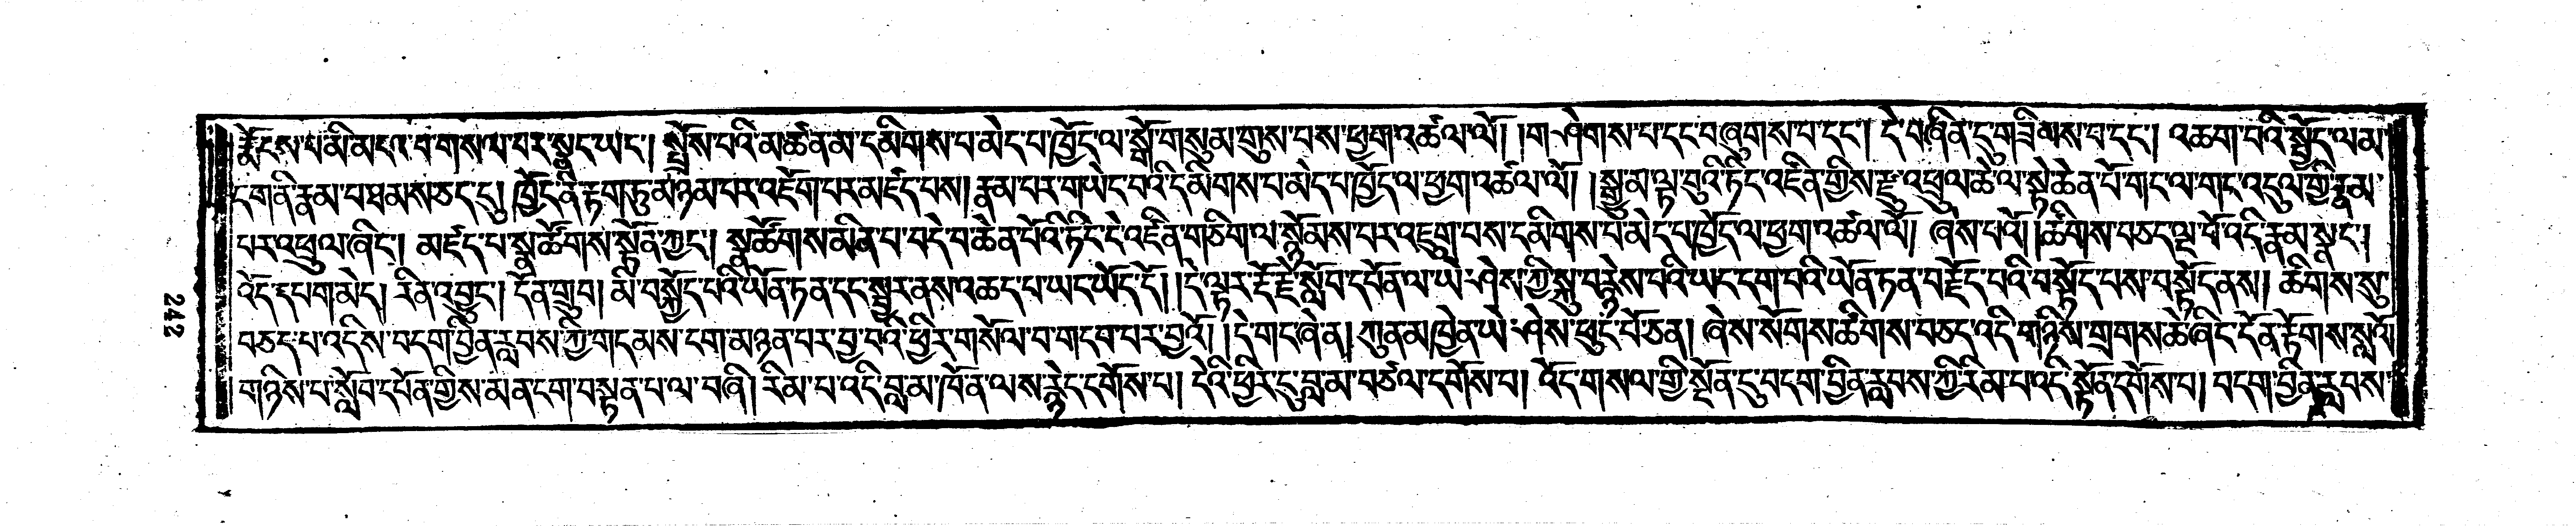རྨོངས་པ་མི་མངའ་བ་གསལ་བར་སྣང་ཡང་། སྤྲོས་པའི་མཚན་མ་དམིགས་པ་མེད་པ་ཁྱོད་ལ་སྒོ་གསུམ་གུས་པས་ཕྱག་འཚལ་ལོ། །གཤེགས་པ་དང་བཞུགས་པ་དང་། དེ་བཞིན་དུ་གཟིམས་པ་དང་། འཆག་པའི་སྤྱོད་ལམ་
དག་ནི་རྣམ་པ་ཐམས་ཅད་དུ། ཁྱོད་ནི་རྟག་ཏུ་མཉམ་པར་འཇོག་པར་མཛད་པས། རྣམ་པར་གཡེང་བའི་དམིགས་པ་མེད་པ་ཁྱོད་ལ་ཕྱག་འཚལ་ལོ། །སྒྱུ་མ་ལྟ་བུའི་ཏིང་འཛིན་གྱིས་རྫུ་འཕྲུལ་ཆེ་ལ་སྟེ་ཆེན་པོ་གང་ལ་གང་འདུལ་གྱི་རྣམ་
པར་འཕྲུལ་ཞིང་། མཛད་པ་སྣ་ཚོགས་སྟོན་ཀྱང་། སྣ་ཚོགས་མིན་པ་བདེ་བ་ཆེན་པོའི་ཏིང་ངེ་འཛིན་གཅིག་ལ་སྙོམས་པར་འཇུག་པས་དམིགས་པ་མེད་པ་ཁྱོད་ལ་ཕྱག་འཚལ་ལོ། ཞེས་པའོ། །ཚིགས་བཅད་ལྔ་པོ་འདི་རྣམ་སྣང་།
འོད་དཔག་མེད། རིན་འབྱུང་། དོན་གྲུབ། མི་བསྐྱོད་པའི་ཡོན་ཏན་དང་སྦྱར་ནས་འཆད་པ་ཡང་ཡོད་དོ། །དེ་ལྟར་རྡོ་རྗེ་སློབ་དཔོན་ལ་ཡེ་ཤེས་ཀྱི་སྐུ་བརྙེས་པའི་ཡང་དག་པའི་ཡོན་ཏན་བརྗོད་པའི་བསྟོད་པས་བསྟོད་ནས། ཚིགས་སུ་
བཅད་པ་འདིས་བདག་བྱིན་རླབས་ཀྱི་གདམས་ངག་མཉན་པར་བྱ་བའི་ཕྱིར་གསོལ་བ་གདབ་པར་བྱའོ། །དེ་གང་ཞེ་ན། ཀུན་མཁྱེན་ཡེ་ཤེས་ཕུང་པོ་ཅན། ཞེས་སོགས་ཚིགས་བཅད་འདི་གཉིས་གྲགས་ཆེ་ཞིང་དོན་རྟོགས་སླའོ་
གཉིས་པ་སློབ་དཔོན་གྱིས་མན་ངག་བསྟན་པ་ལ་བཞི། རིམ་པ་འདི་བླ་མ་ཁོ་ན་ལས་རྙེད་དགོས་པ། དེའི་ཕྱིར་དུ་བླ་མ་བཙལ་དགོས་པ། འོད་གསལ་གྱི་སྔོན་དུ་བདག་བྱིན་རླབས་ཀྱི་རིམ་པ་འདི་སྟོན་དགོས་པ། བདག་བྱིན་རླབས་